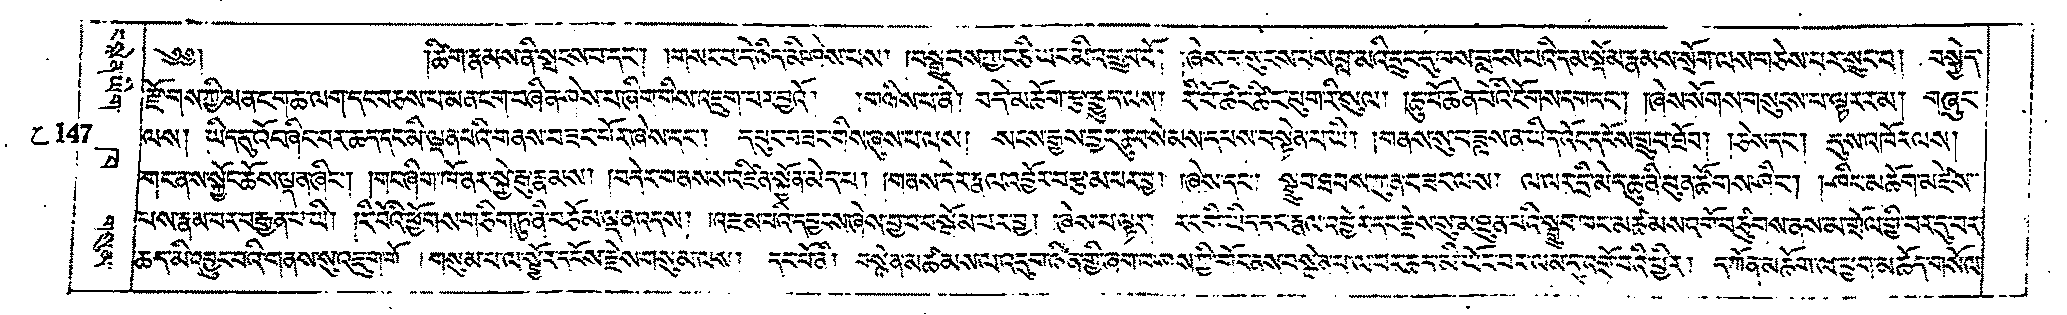༄༅། །ཚིག་རྣམས་ནི་སྤངས་པ་དང་། །གསང་བ་དེ་ཉིད་མི་ཤེས་པས། །བསྒྲུབས་ཀྱང་ཅི་ཡང་མི་འགྲུབ་བོ། །ཞེས་གསུངས་པས་བླ་མའི་དྲུང་དུ་ཁས་བླངས་པའི་དམ་སྡོམ་རྣམས་སྲོག་ལས་གཅེས་པར་སྲུང་བ། བསྐྱེད་
རྫོགས་ཀྱི་མན་ངག་ཆ་ལག་དང་བཅས་པ་མན་ངག་བཞིན་ཤེས་པ་ཞིག་གིས་འཇུག་པར་བྱའོ། །གཉིས་པ་ནི། བདེ་མཆོག་རྩ་རྒྱུད་ལས། རི་བོ་ཚང་ཚིང་ཕུག་རི་སུལ། །ཆུ་བོ་ཆེན་པོའི་ངོགས་དག་དང་། །ཞེས་སོགས་གསུངས་པ་ལྟར་རམ། གཞུང་
ལས། ཡིད་དུ་འོང་ཞིང་བར་ཆད་དང་མི་ལྡན་པའི་གནས་བཟང་པོར་ཞེས་དང་། དཔུང་བཟང་གིས་ཞུས་པ་ལས། སངས་རྒྱས་བྱང་ཆུབ་སེམས་དཔས་བསྟེན་པ་ཡི། །གནས་སུ་བཟླས་ན་ཡིད་འོང་དངོས་གྲུབ་ཐོབ། །ཅེས་དང་། དུས་འཁོར་ལས།
གང་ནས་སྐྱོང་ཆོས་ལྡན་ཞིང་། །གང་ཞིག་ཁོ་ནར་སྐྱེ་རྒུ་རྣམས། །བདེར་གནས་ས་འཛིན་སྐྱོན་མེད་པ། །གནས་དེར་རྣལ་འབྱོར་བརྩམས་པར་བྱ། །ཞེས་དང་། སྒྲུབ་ཐབས་ཀུན་བཟང་ལས། ལ་ལར་དྲི་མེད་ཆུ་ནི་ཕུན་ཚོགས་ཤིང་། །ཤིང་མཆོག་མཛེས་་་
པས་རྣམ་པར་བརྒྱན་པ་ཡི། །རི་བོའི་ཕྱོགས་གཅིག་ཏུ་ནི་བཅོམ་ལྡན་འདས། །འཇམ་པའི་དབྱངས་ཞེས་བྱ་བ་བསྒོམ་པར་བྱ། །ཞེས་པ་ལྟར། རང་གི་ཡིད་དང་རྣལ་འབྱོར་དང་རྗེས་སུ་མཐུན་པའི་སྒྲུབ་ཁང་མཚམས་འགོ་བཙུགས་ནས་མ་གྲོལ་གྱི་བར་དུ་བར་
ཆད་མི་འབྱུང་བའི་གནས་སུ་འཇུག་གོ། །གསུམ་པ་ལ་སྦྱོར་དངོས་རྗེས་གསུམ་ལས། དང་པོ་ནི། བསྙེན་མཚམས་ལ་འདུག་ཉིན་གྱི་ཞག་ཁ་ཤས་ཀྱི་གོང་ནས་བསྙེན་པ་ལ་བར་ཆད་མི་ཡོང་བར་ལམ་དུ་འགྲོ་བའི་ཕྱིར། དཀོན་མཆོག་ལ་ཕྱག་མཆོད་གསོལ་